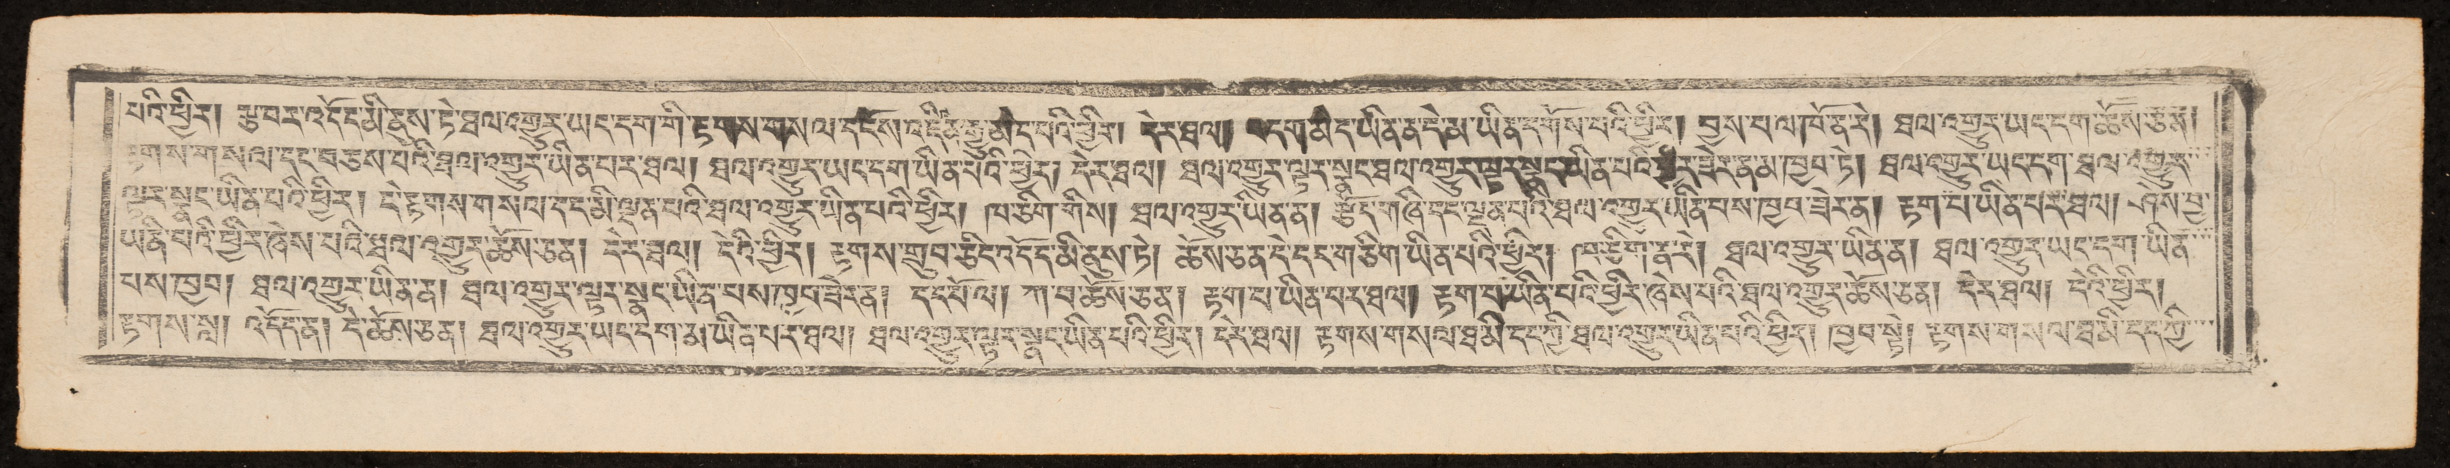པའི་ཕྱིར། རྩ་བར་འདོད་མི་ནུས་ཏེ་ཐལ་འགྱུར་ཡང་དག་གི་རྟགས་གསལ་དངོས་འཛིན་རྒྱུ་མེད་པའི་ཕྱིར། དེར་ཐལ། བདག་མེད་ཡིན་ན་དེ་མ་ཡིན་དགོས་པའི་ཕྱིར། བྱས་པ་ལ་ཁོ་ན་རེ། ཐལ་འགྱུར་ཡང་དག་ཆོས་ཅན།
རྟགས་གསལ་དང་བཅས་པའི་ཐལ་འགྱུར་ཡིན་པར་ཐལ། ཐལ་འགྱུར་ཡང་དག་ཡིན་པའི་ཕྱིར། དེར་ཐལ། ཐལ་འགྱུར་ལྟར་སྣང་ཐལ་འགྱུར་ལྟར་སྣང་ཡིན་པའི་ཕྱིར་ཟེར་ན་མ་ཁྱབ་སྟེ། ཐལ་འགྱུར་ཡང་དག་ཐལ་འགྱུར་
ལྟར་སྣང་ཡིན་པའི་ཕྱིར། དེ་རྟགས་གསལ་དང་མི་ལྡན་པའི་ཐལ་འགྱུར་ཡིན་པའི་ཕྱིར། ཁ་ཅིག་གིས། ཐལ་འགྱུར་ཡིན་ན། རྩོད་གཞི་དང་ལྡན་པའི་ཐལ་འགྱུར་ཡིན་པས་ཁྱབ་ཟེར་ན། རྟག་པ་ཡིན་པར་ཐལ། ཤེས་བྱ་
ཡིན་པའི་ཕྱིར་ཞེས་པའི་ཐལ་འགྱུར་ཆོས་ཅན། དེར་ཐལ། དེའི་ཕྱིར། རྟགས་གྲུབ་ཅིང་འདོད་མི་ནུས་ཏེ། ཆོས་ཅན་དེ་དང་གཅིག་ཡིན་པའི་ཕྱིར། ཁ་ཅིག་ན་རེ། ཐལ་འགྱུར་ཡིན་ན། ཐལ་འགྱུར་ཡང་དག་ཡིན་
པས་ཁྱབ། ཐལ་འགྱུར་ཡིན་ན། ཐལ་འགྱུར་ལྟར་སྣང་ཡིན་པས་ཁྱབ་ཟེར་ན། དང་པོ་ལ། ཀ་བ་ཆོས་ཅན། རྟག་པ་ཡིན་པར་ཐལ། རྟག་པ་ཡིན་པའི་ཕྱིར་ཞེས་པའི་ཐལ་འགྱུར་ཆོས་ཅན། དེར་ཐལ། དེའི་ཕྱིར།
རྟགས་སླ། འདོད་ན། དེ་ཆོས་ཅན། ཐལ་འགྱུར་ཡང་དག་མ་ཡིན་པར་ཐལ། ཐལ་འགྱུར་ལྟར་སྣང་ཡིན་པའི་ཕྱིར། དེར་ཐལ། རྟགས་གསལ་ཐ་མི་དད་ཀྱི་ཐལ་འགྱུར་ཡིན་པའི་ཕྱིར། ཁྱབ་སྟེ། རྟགས་གསལ་ཐ་མི་དད་ཀྱི་